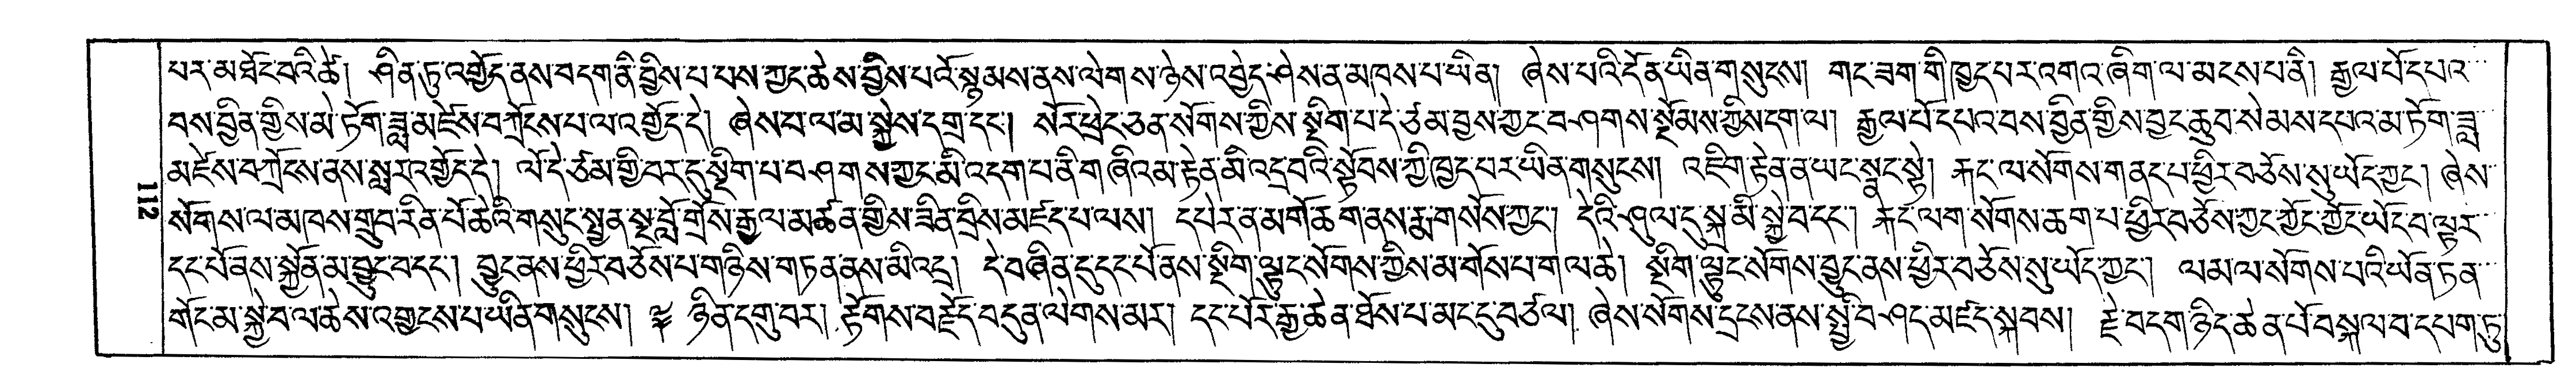པར་མཐོང་བའི་ཚེ། ཤིན་ཏུ་འགྱོད་ནས་བདག་ནི་བྱིས་པ་བས་ཀྱང་ཆེས་བྱིས་པའོ་སྙམས་ནས་ལེགས་ཉེས་འབྱེད་ཤེས་ན་མཁས་པ་ཡིན། ཞེས་པའི་དོན་ཡིན་གསུངས། གང་ཟག་གི་ཁྱད་པར་འགའ་ཞིག་ལ་མ་ངེས་པ་ནི། རྒྱལ་པོ་དཔའ་
བས་བྱིན་གྱིས་མེ་ཏོག་ཟླ་མཛེས་བཀྲོངས་པ་ལ་འགྱོད་དེ། ཞེས་པ་ལ་མ་སྐྱེས་དགྲ་དང་། སོར་ཕྲེང་ཅན་སོགས་ཀྱིས་སྡིག་པ་དེ་ཙམ་བྱས་ཀྱང་བཤགས་སྡོམས་ཀྱིས་དག་ལ། རྒྱལ་པོ་དཔའ་བས་བྱིན་གྱིས་བྱང་ཆུབ་སེམས་དཔའ་མེ་ཏོག་ཟླ་
མཛེས་བཀྲོངས་ནས་སླར་འགྱོད་དེ། ལོ་དེ་ཙམ་གྱི་བར་དུ་སྡིག་པ་བཤགས་ཀྱང་མི་འདག་པ་ནི་གཞིའམ་རྟེན་མི་འདྲ་བའི་སྟོབས་ཀྱི་ཁྱད་པར་ཡིན་གསུངས། འཇིག་རྟེན་ན་ཡང་སྣང་སྟེ། རྐང་ལ་སོགས་གནད་པ་ཕྱིར་བཅོས་སུ་ཡོད་ཀྱང་། ཞེས་
སོགས་ལ་མཁས་གྲུབ་རིན་པོ་ཆེའི་གསུང་སྦྱན་སྔ་བློ་གྲོས་རྒྱལ་མཚན་གྱིས་ཟིན་བྲིས་མཛད་པ་ལས། དཔེར་ན་མགོ་ཆག་ནས་རྨ་གསོས་ཀྱང་། དེའི་ཤུལ་དུ་སྐྲ་མི་སྐྱེ་བ་དང་། རྐང་ལག་སོགས་ཆག་པ་ཕྱིར་བཅོས་ཀྱང་ཀྱོང་ཀྱོང་ཡོང་བ་ལྟར་
དང་པོ་ནས་སྐྱོན་མ་བྱུང་བ་དང་། བྱུང་ནས་ཕྱིར་བཅོས་པ་གཉིས་གཏན་ནས་མི་འདྲ། དེ་བཞིན་དུ་དང་པོ་ནས་སྡིག་ལྟུང་སོགས་ཀྱིས་མ་གོས་པ་གལ་ཆེ། སྡིག་ལྟུང་སོགས་བྱུང་ནས་ཕྱིར་བཅོས་སུ་ཡོད་ཀྱང་། ལམ་ལ་སོགས་པའི་ཡོན་ཏན་
གོང་མ་སྐྱེ་བ་ལ་ཆེས་འགྱངས་པ་ཡིན་གསུངས། ༈ ཉིན་དགུ་པར། རྟོགས་བརྗོད་འདུན་ལེགས་མར། དང་པོར་རྒྱ་ཆེན་ཐོས་བ་མང་དུ་བཙལ། ཞེས་སོགས་དྲངས་ནས་སྤྱི་བཤད་མཛད་སྐབས། རྗེ་བདག་ཉིད་ཆེན་པོ་བསྐལ་པ་དཔག་ཏུ་